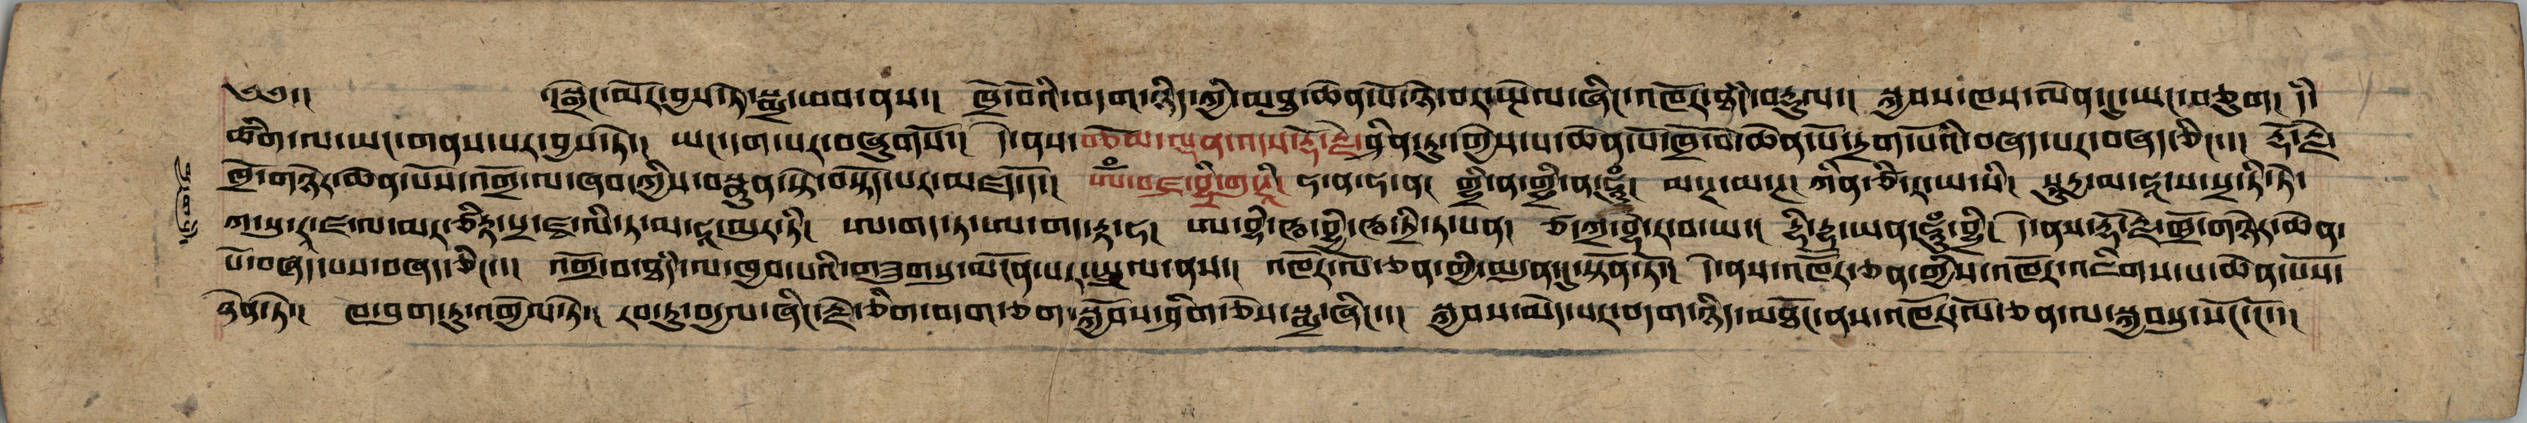༄༅་། ་།སྒྲེང་མོར་བྱས་ཏེ་སྨྲ་ཕབ་ནས་། ཁྲོ་བོའི་བདག་ཉིད་ཀྱི་མཐུ་ཆེན་པོ་ཉེ་བར་སྤེལ་ཞིང་འཁོར་ཐདཾ་བརྡུལ་། སྐྱབས་ཁས་ལེན་དུ་ཡང་བཅུག། དཾ་
ཚིག་ལ་ཡང་གནས་པར་བྱས་ཏེ་། ཡང་དག་པར་བཞུགསོ་། དེ་ནས་བཅོམ་ལྡན་འདས་རྡོ་རྗེ་ཤིན་ཏུ་དགྱེས་པ་ཆེན་པོ་ཁྲོ་བོ་ཆེན་པོ་དྲག་པོའི་བཞད་པར་བཞད་ཅིང་་། རྡོ་རྗེ་
ཁྲོ་གཉེར་ཆེན་པོས་འགྲོ་ལ་ཞབ་ཀྱིས་བསྣུན་སྟེ་བསྟོད་པར་མཛད་དོ་། ཨོཾ་བཛྲ་བྷཱི་གུ་ཊཱི། ཧ་ན་ཧ་ན། གྷྲི་ན་གྷྲི་ན་ཧཱུཾ། མ་ཊ་མ་ཊ། ཀིན་ཙི་ར་ཡ་སི། སཱུརྱ་མ་ཧཱ་ས་སྲ་ཏི་ཏེ་
ཀ་སུ་རཱ་ཛ་ལ་མར་ཙིཏྟ་པྲ་ཛྭ་ལི་ཏ་མ་ཧཱ་མུར་ཏི། ཨ་གད་ཏ་ཨ་གད་ཏྟ་ཧ། ཨ་བྷི་ཝ་བྷྱི་ཝ་ཏྲི་ཏ་པན། ཙ་ཀྲ་བྷ་ར་བ་ཡ། དྷི་དྷ་ཡན་ཧཱུཾ་བྷྲི། དེ་ནས་རྡོ་རྗེ་ཁྲོ་གཉེར་ཆེན་
པོ་བཞད་པས་བཞད་ཅིང་་། འགྲོ་བ་ཐཾད་ལ་ཁྱབ་པའི་གཟུགསུ་མངོན་པར་སྤྲུལ་ནས་། འཁོར་ལོ་ཅན་གྱི་མདུན་དུ་སྟོན་ཏོ་། དེ་ནས་འཁོར་ཅན་གྱིས་འཁོར་འཇིགས་པ་ཆེན་པོས་
ཉེན་ཏེ་། ཁ་བུག་ཏུ་འགྱེལ་ཏེ་། རབ་ཏུ་བདྱལ་ཞིང་རྗེ་ཅིག་བདག་ཅག་སྐྱོབས་ཤིག་ཅེས་སྨྲ་ཞིང་་། སྐྱབས་མེད་པར་བདག་ཉིད་མཐོང་ནས་འཁོར་ལོ་ཅན་ལ་སྐྱབསུ་སོང་ངོ་་།